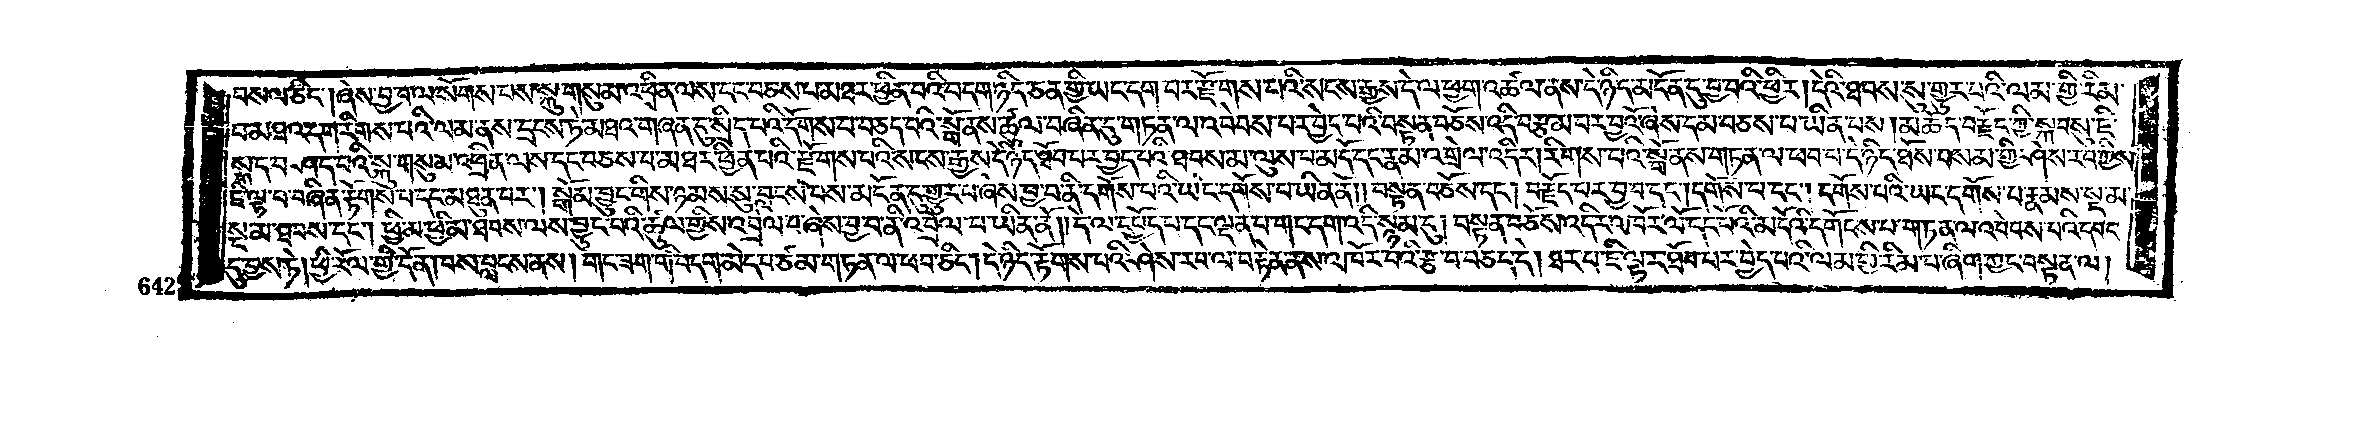བསལ་ཅིང་། ཞེས་བྱ་བ་ལ་སོགས་པས་སྐུ་གསུམ་འཕྲིན་ལས་དང་བཅས་པ་མཐར་ཕྱིན་པའི་བདག་ཉིད་ཅན་གྱི་ཡང་དག་པར་རྫོགས་པའི་སངས་རྒྱས་དེ་ལ་ཕྱག་འཚལ་ནས་དེ་ཉིད་མངོན་དུ་བྱ་བའི་ཕྱིར། དེའི་ཐབས་སུ་གྱུར་པའི་ལམ་གྱི་རིམ་
བ་མཐའ་དག་རིགས་པའི་ལམ་ནས་དྲངས་ཏེ་མཐའ་གཞན་དུ་སྲིད་པའི་དོགས་པ་བཅད་པའི་སྒོ་ནས་ཚུལ་བཞིན་དུ་བཏན་ལ་འབེབས་པར་བྱེད་པའི་བསྟན་བཅོས་འདི་བརྩམ་པར་བྱའོ་ཞེས་དམ་བཅས་པ་ཡིན་པས། མཆོད་བརྗོད་ཀྱི་སྐབས་སུ་ཇི་
སྐད་བཤད་པའི་སྐུ་བསུམ་འཕྲིན་ལས་དང་བཅས་པ་མཐར་ཕྱིན་པའི་རྫོགས་པའི་སངས་རྒྱས་དེ་ཉིད་ཐོབ་པར་བྱེད་པའི་ཐབས་མ་ལུས་པ་མདོ་དང་རྣམ་འགྲེལ་འདིར། རིགས་པའི་སྒོ་ནས་གཏན་ལ་ཕབ་པ་དེ་ཉིད་ཐོས་བསམ་གྱི་ཤེས་རབ་ཀྱིས་
ཇི་ལྟ་བ་བཞིན་རྟོགས་པ་དང་མཐུན་པར། སྒོམ་བྱུང་གིས་ཉམས་སུ་བླངས་པས་མངོན་དུ་གྱུར་པ་ཞེས་བྱ་བ་ནི་དགོས་པའི་ཡང་དོགས་པ་ཡིན་ནོ། །བསྟན་བཅོས་དང་། བརྗོད་པར་བྱ་བ་དང་། དགོས་པ་དང་། དགོས་པའི་ཡང་དགོས་པ་རྣམས་སྔ་མ་
སྔ་མ་ཐབས་དང་། ཕྱི་མ་ཕྱི་མ་ཐབས་ལས་བྱུང་བའི་ཚུལ་གྱིས་འབྲེལ་བ་ཞེས་བྱ་བ་ནི་འབྲེལ་བ་ཡིན་ནོ། །དེ་ལ་དཔྱོད་པ་དང་ལྡན་པ་གང་དག་འདི་སྙམ་དུ། བསྟན་བཅོས་འདིར་འཁོར་ལོ་དང་པོའི་མདོའི་དགོངས་པ་བཏན་ལ་འབེབས་པའི་དབང་
དུ་བྱས་ཏེ། ཕྱིར་རོལ་གྱི་དོན་ཁས་བྱངས་ནས། གང་ཟག་གི་བདག་མེད་པ་ཙམ་བཏན་ལ་ཕབ་ཅིང་། དེ་ཉིད་རྟོགས་པའི་ཤེས་རབ་ལ་བརྟེན་ནས་འཁོར་བའི་རྩ་བ་བཅད་དེ། ཐར་པ་ཇི་ལྟར་ཐོབ་པར་བྱེད་པའི་ལམ་གྱི་རིམ་པ་ཞིག་ཀྱང་བསྟན་ལ།